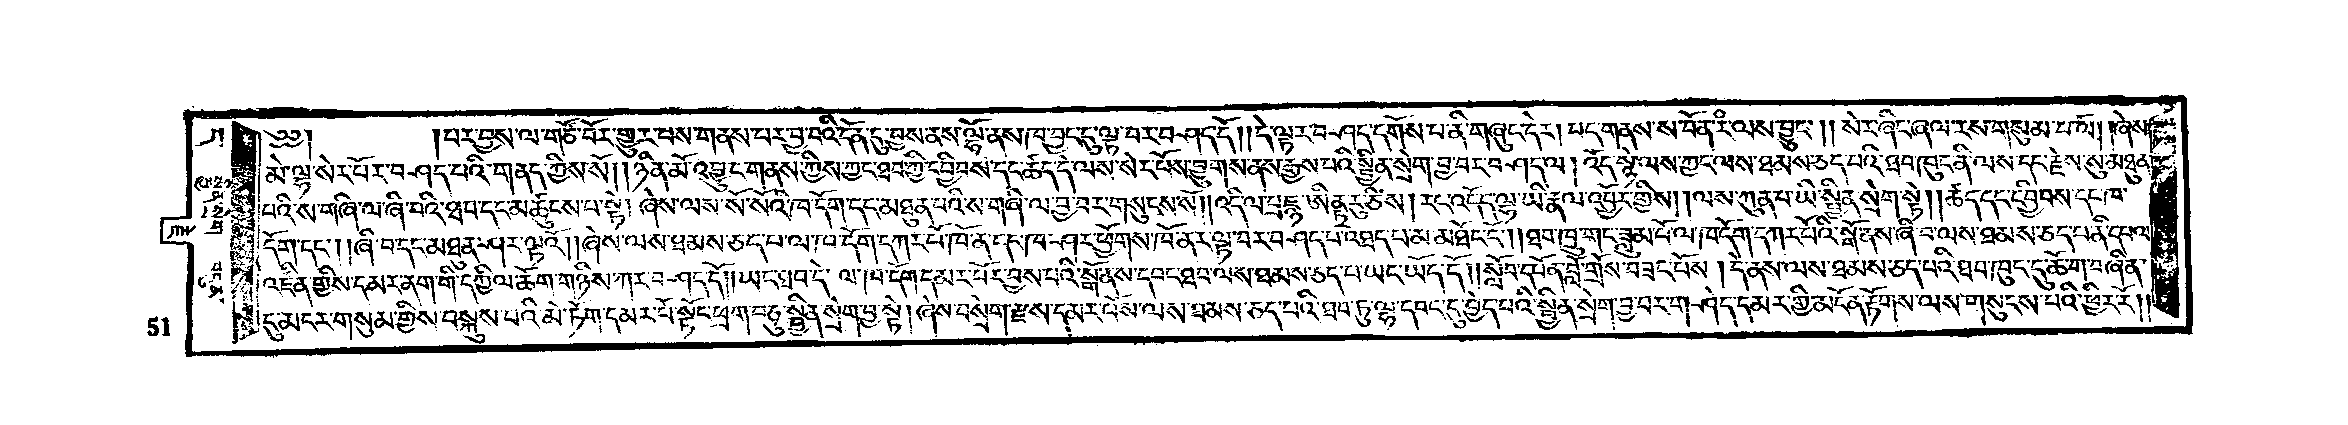༄༅། །པར་བྱས་ལ་གཙོ་བོར་གྱུར་པས་གནས་པར་བྱ་བའི་དོན་དུ་བྱས་ནས་ལྷོ་ནས་ཁ་བྱང་དུ་ལྟ་བར་བཤད་དོ། །དེ་ལྟར་བཤད་དགོས་པ་ནི་གཞུང་དེར། པད་གནས་ས་བོན་རཾ་ལས་བྱུང་། །སེར་ཞིང་ཞལ་རས་གསུམ་པ་ལ། །ཞེས་
མེ་ལྷ་སེར་པོར་བཤད་པའི་གནད་ཀྱིས་སོ། །ཉིན་མོ་འབྱུང་གནས་ཀྱིས་ཀྱང་ཐབ་ཀྱི་དབྱིབས་དང་ཚད་དེ་ལས་སེར་པོས་བྱུགས་ནས་རྒྱས་པའི་སྦྱིན་སྲེག་བྱ་བར་བཤད་ལ། འོད་སྙེ་ལས་ཀྱང་ལས་ཐམས་ཅད་པའི་ཐབ་ཁུང་ནི་ལས་དང་རྗེས་སུ་མཐུན་
པའི་ས་གཞི་ལ་ཞི་བའི་ཐབ་དང་མཚུངས་པ་སྟེ། ཞེས་ལས་སོ་སོའི་ཁ་དོག་དང་མཐུན་པའི་ས་གཞི་ལ་བྱ་བར་གསུངས་སོ། །འདི་ལ་པྲཛྙ་ཨིནྟྲ་རུ་ཙིས། རང་འདོད་ལྷ་ཡི་རྣལ་འབྱོར་གྱིས། །ལས་ཀུན་པ་ཡི་སྦྱིན་སྲེག་སྟེ། །ཚད་དང་དབྱིབས་དང་ཁ་
དོག་དང་། །ཞི་བ་དང་མཐུན་ཤར་ལྟའོ། །ཞེས་ལས་ཐམས་ཅད་པ་ལ་ཁ་དོག་དཀར་པོ་ཁོ་ན་དང་ཁ་ཤར་ཕྱོགས་ཁོ་ནར་ལྟ་བར་བཤད་པ་འཐད་པ་མ་མཐོང་ངོ། །ཐབ་ཁྲུ་གང་ཟླུམ་པོ་ལ་ཁ་དོག་དཀར་པོའི་སྒོ་ནས་ཞི་བ་ལས་ཐམས་ཅད་པ་ནི་དཔལ་
འཛིན་གྱིས་དམར་ནག་གི་དཀྱིལ་ཆོག་གཉིས་ཀར་བཤད་དོ། །ཡང་ཐབ་དེ་ལ་ཁ་དོག་དམར་པོར་བྱས་པའི་སྒོ་ནས་དབང་ཐབ་ལས་ཐམས་ཅད་པ་ཡང་ཡོད་དོ། །སློབ་དཔོན་བློ་གྲོས་བཟང་པོས། དེ་ནས་ལས་ཐམས་ཅད་པའི་ཐབ་ཁུང་དུ་ཆོ་ག་བཞིན་
དུ་མངར་གསུམ་གྱིས་བསྐུས་པའི་མེ་ཏོག་དམར་པོ་སྟོང་ཕྲག་བཅུ་སྦྱིན་སྲེག་བྱ་སྟེ། ཞེས་བསྲེག་རྫས་དམར་པོས་ལས་ཐམས་ཅད་པའི་ཐབ་ཏུ་ལྷ་དབང་དུ་བྱེད་པའི་སྦྱིན་སྲེག་བྱ་བར་གཤེད་དམར་གྱི་མངོན་རྟོགས་ལས་གསུངས་པའི་ཕྱིར་རོ། །